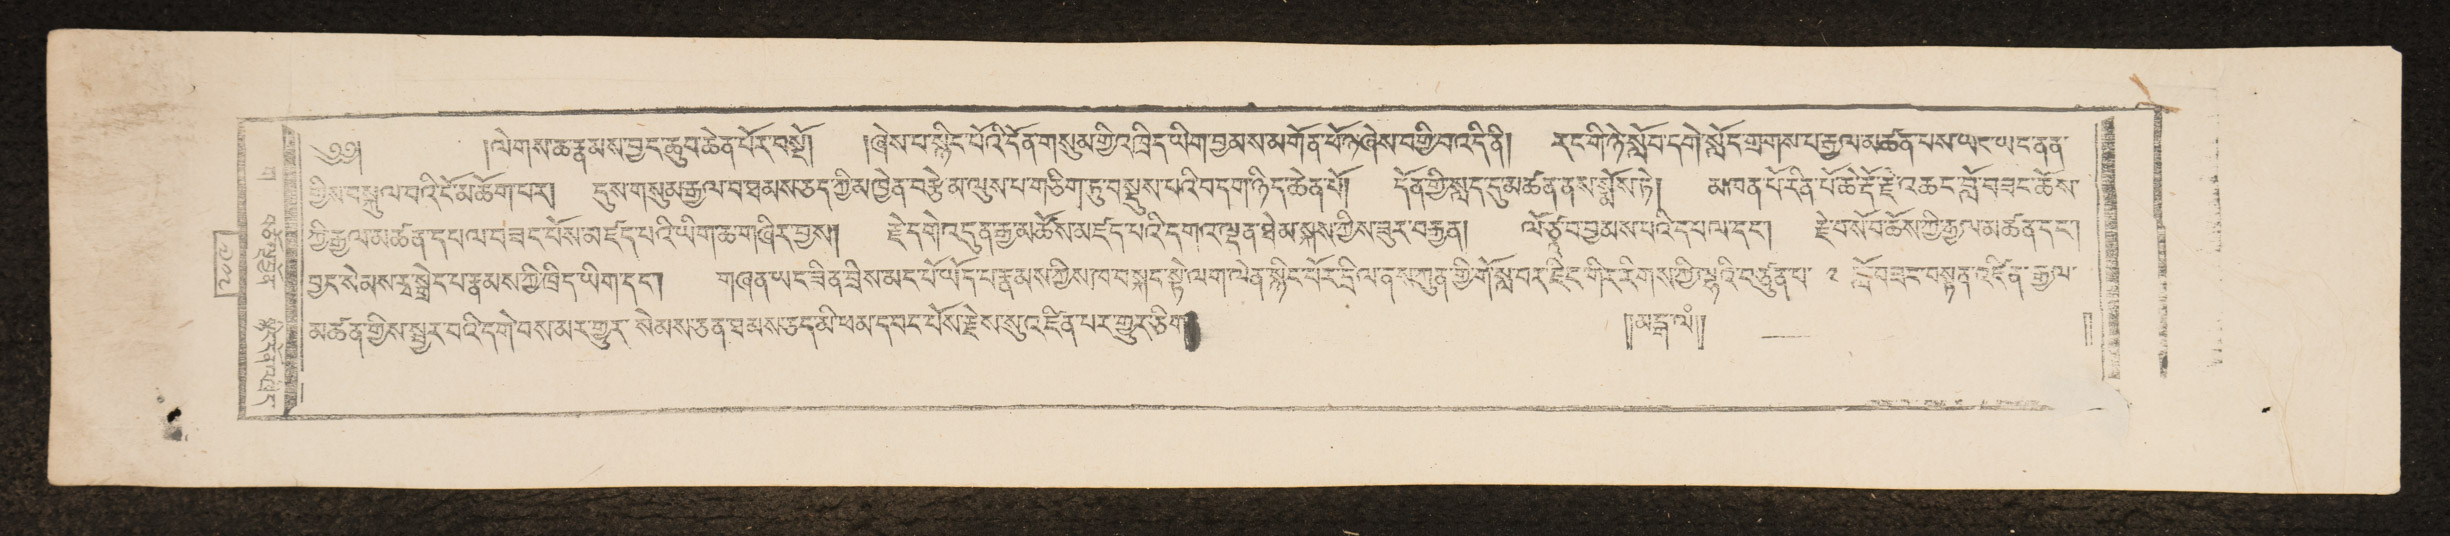༄༅། །ལེགས་ཆ་རྣམས་བྱང་ཆུབ་ཆེན་པོར་བསྔོ། །ཞེས་པ་སྙིང་པོའི་དོན་གསུམ་གྱི་འཁྲིད་ཡིག་བྱམས་མགོན་ཕོ་ཉ་ཞེས་བགྱི་བ་འདི་ནི། །རང་གི་ཉེ་སློབ་དགེ་སློང་གྲགས་པ་རྒྱལ་མཚན་པས་ཡང་ཡང་ནན་
གྱིས་བསྐུལ་བའི་ངོ་མཆོག་པར། དུས་གསུམ་རྒྱལ་བ་ཐམས་ཅད་ཀྱི་མཁྱེན་བརྩེ་མ་ལུས་པ་གཅིག་ཏུ་བསྡུས་པའི་བདག་ཉིད་ཆེན་པོ། དོན་གྱི་སླད་དུ་མཚན་ནས་སྨོས་ཏེ། མཁན་པོ་རིན་པོ་ཆེ་རྡོ་རྗེ་འཆང་བློ་བཟང་ཆོས་
ཀྱི་རྒྱལ་མཚན་དཔལ་བཟང་པོས་མཛད་པའི་ཡིག་ཆ་གཞིར་བྱས། རྗེ་དགེ་འདུན་རྒྱ་མཚོས་མཛད་པའི་དགའ་ལྡན་ཐེམ་སྐས་ཀྱིས་ཟུར་བརྒྱན། ལོ་ཙཱ་བ་བྱམས་པའི་དཔལ་དང་། རྗེ་བ་སོ་བ་ཆོས་ཀྱི་རྒྱལ་མཚན་དང་།
བྱང་སེམས་རྭ་སྒྲེང་པ་རྣམས་ཀྱི་ཁྲིད་ཡིག་དང་། གཞན་ཡང་ཟིན་བྲིས་མང་པོ་ཡོད་པ་རྣམས་ཀྱིས་ཁ་བསྐང་སྟེ་ལག་ལེན་སྙིང་པོར་དྲིལ་ནས་ཀུན་གྱི་གོ་སླ་བར་ཇིང་གིར་རིགས་ཀྱི་ལྷའི་བཙུན་པ ༧་བློ་བཟང་བསྟན་འཛིན་རྒྱལ་
མཚན་གྱིས་སྦྱར་བའི་དགེ་བས་མར་གྱུར་སེམས་ཅན་ཐམས་ཅད་མི་ཕམ་དབང་པོས་རྗེས་སུ་འཛིན་པར་གྱུར་ཅིག། །།མངྒ་ལཾ།། །།